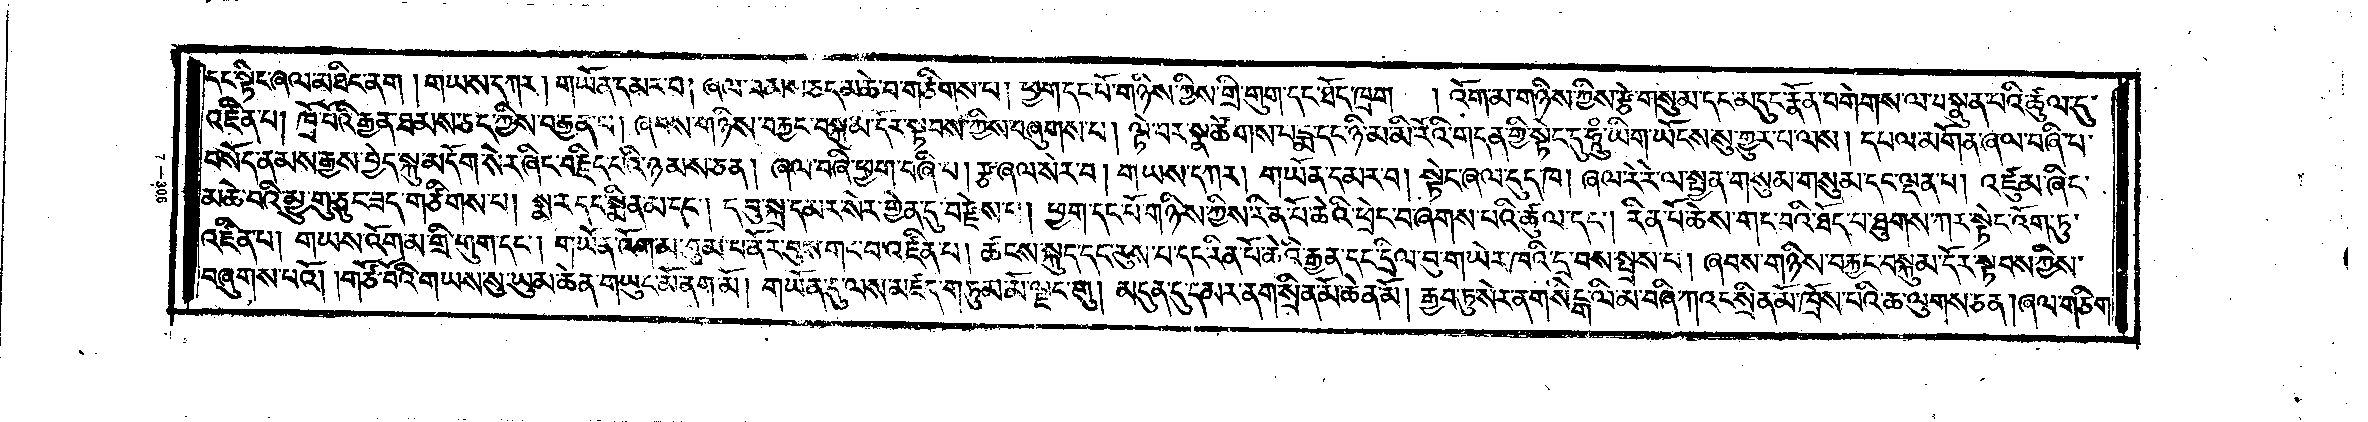དང་སྟེང་ཞལ་མཐིང་ནག །གཡས་དཀར། གཡོན་དམར་བ། ཞལ་ཐམས་ཅད་མཆེ་བ་གཙིགས་པ། ཕྱག་དང་པོ་གཉིས་ཀྱིས་གྲི་གུག་དང་ཐོད་ཁྲག །འོག་མ་གཉིས་ཀྱིས་རྩེ་གསུམ་དང་མདུང་རྣོན་བགེགས་ལ་བསྣུན་པའི་ཚུལ་དུ་
འཛིན་བ། ཁྲོ་བོའི་རྒྱན་ཐམས་ཅད་ཀྱིས་བརྒྱན་པ། ཞབས་གཉིས་བརྐྱང་བསྐུམ་དོར་སྟབས་ཀྱིས་བཞུགས་པ། ལྟེ་བར་སྣ་ཚོགས་པདམ་དང་ཉི་མ་མི་རོའི་གདན་གྱི་སྟེང་དུ་ཧཱུཾ་ཡིག་ཡོངས་སུ་གྱུར་པ་ལས། དཔལ་མགོན་ཞལ་བཞི་པ་
བསོད་ནམས་རྒྱས་བྱེད་སྐུ་མདོག་སེར་ཞིང་བརྗིད་པའི་ཉམས་ཅན། ཞལ་བཞི་ཕྱག་བཞི་པ། རྩ་ཞལ་སེར་བ། གཡས་དཀར། གཡོན་དམར་བ། སྟེང་ཞལ་དུད་ཁ། ཞལ་རེ་རེ་ལ་སྤྱན་གསུམ་གསུམ་དང་ལྡན་པ། འཛུམ་ཟིང་
མཆེ་བའི་མྱུ་གུ་ཅུང་ཟད་གཙིགས་པ། སྨ་ར་དང་སྨིན་མ་དང་། དབུ་སྐྲ་དམར་སེར་གྱེན་དུབ་རྫེས་པ། ཕྱག་དང་པོ་གཉིས་ཀྱིས་རིན་པོ་ཆེའི་ཕྲེང་བ་ཞགས་པའི་ཚུལ་དང་། རིན་པོ་ཆེས་གང་བའི་ཐོད་པ་ཐུགས་ཀར་སྟེང་འོག་ཏུ་
འཛིན་པ། གཡས་འོག་མ་གྲི་གུག་དང་། གཡོན་འོག་མ་བུམ་པ་ནོར་བུས་གང་བ་འཛིན་པ། ཚངས་སྐུད་དང་རུས་པ་དང་རིན་པོ་ཆེའི་རྒྱན་དང་དྲིལ་བུ་གཡེར་ཁའི་དྲ་བས་སྤྲས་པ། ཞབས་གཉིས་བརྐྱང་བསྐུམ་དོར་སྟབས་ཀྱིས་
བསླུགས་པའོ། །གཙོ་བོའི་གཡས་སུ་ཡུམ་ཆེན་གཡུང་མོ་ནག་མོ། གཡོན་དུ་ལས་མཛད་གཏུམ་མོ་ལྗང་གུ། མདུན་དུ་དམར་ནག་སྲིན་མོ་ཆེན་མོ། རྒྱབ་ཏུ་སེར་ནག་སིངྒ་ལི་མ་བཞི་ཀའང་སྲིན་མོ་ཁྲོས་བའི་ཆ་ལུགས་ཅན། ཞལ་གཅིག་